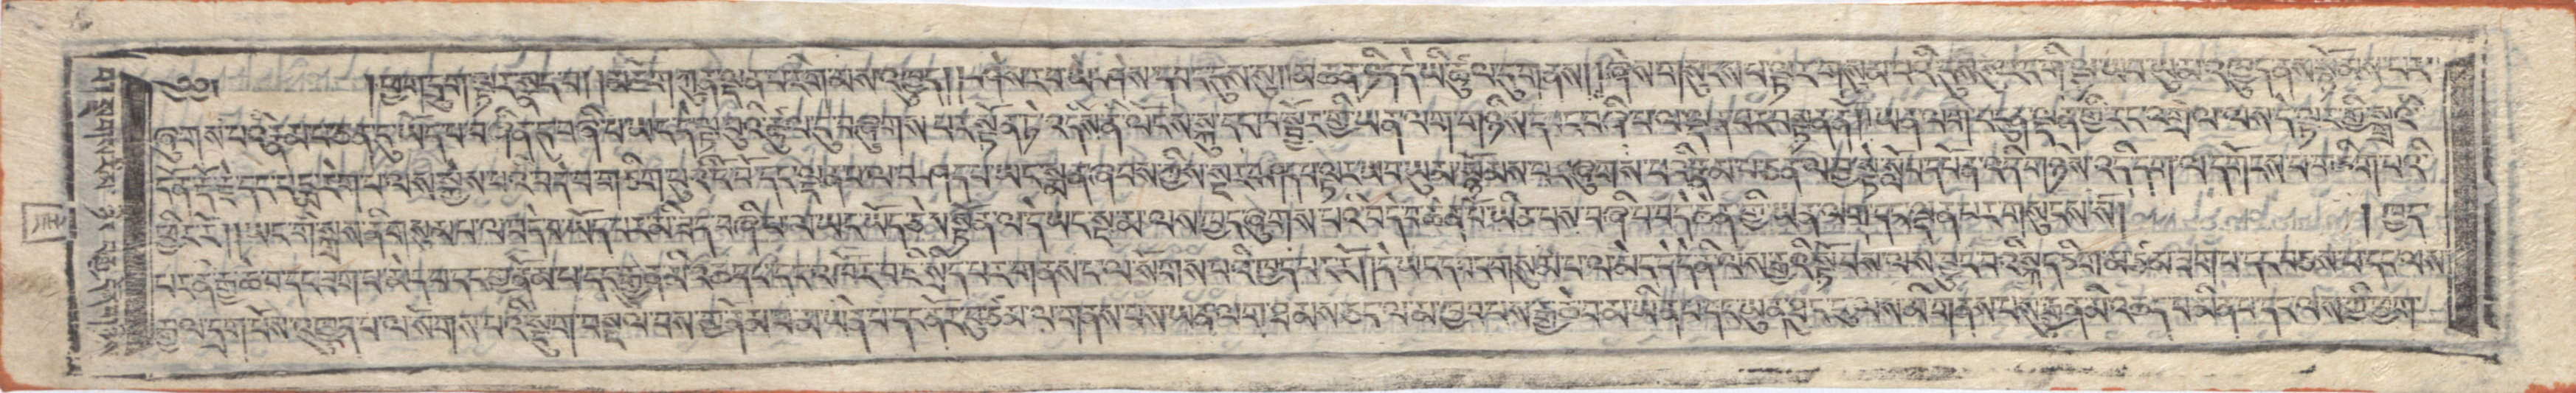༄༅། །ཕྱག་དྲུག་ལྟར་སྣང་བ། །མཆོག་ཀུན་ལྡན་པ་རིག་མས་འཁྱུད། །ཤེས་རབ་ཡེ་ཤེས་དབང་དུས་སུ། །མཚན་ཉིད་དེ་ཡི་ཚུལ་དུ་གནས། །ཞེས་གསུངས་པ་ལྟར་གསུམ་པའི་དུས་སུ་རང་གི་ལྷ་ཡབ་ཡུམ་འཁྱུད་ནས་སྙོམས་པར་
ཞུགས་པའི་རྣམ་པ་ཅན་དུ་ཡོད་པ་བཞིན་དུ་བཞི་པ་ཡང་དེ་ལྟ་བུའི་ཚུལ་དུ་བཞུགས་པར་སྟོན་ཏེ་འདིས་ནི་ལོངས་སྐུ་དང་ཁ་སྦྱོར་གྱི་ཡན་ལག་གཉིས་དབང་བཞི་པ་ལ་ལྡན་པར་བསྟན་ནོ། །ཡན་ལག་བདུན་ལྡན་གྱི་རང་འགྲེལ་ལས་དེ་ལྟར་གྱི་སྒྲའི་
དོན་རྡོ་རྗེ་དང་པདམ་རེག་པ་ལས་སྐྱེས་པའི་བདེ་བ་གཅིག་པུའི་ངོ་བོ་དང་ལྡན་པ་ལ་བཤད་པ་ཡང་སྨན་ཞབས་ཀྱིས་སྔར་བཤད་པ་ལྟར་ཡབ་ཡུམ་སྙོམས་པར་ཞུགས་པའི་རྣམ་པ་ཅན་ལ་བྱ་སྟེ་སློབ་དཔོན་འདི་གཉིས་འདི་དག་ལ་དགོངས་པ་གཅིག་པའི་
ཕྱིར་རོ། །ཡང་གི་སྒྲས་ནི་གསུམ་པ་ལ་བདེ་བ་ཡོད་པར་མི་ཟད་བཞི་པ་ལ་ཡང་ཡོད་ཅེས་སྟོན་ལ་དེ་ཡང་སྔ་མ་ལས་ཁྱད་ཞུགས་པའི་བདེ་བ་ཆེན་པོ་ཡིན་པས་བཞི་པ་བདེ་ཆེན་གྱི་ཡན་ལག་དང་ལྡན་པར་གསུངས་སོ། །ཁྱད་
པར་ནི་རྒྱ་ཆེ་བ་དང་ཟག་པ་མེད་པ་དང་གྱ་ནོམ་པ་དང་རྒྱུན་མི་འཆད་པ་དང་འཁོར་བ་ཇི་སྲིད་པར་གནས་པ་ལ་སོགས་པའི་ཁྱད་པར་རོ། །དེ་ཡང་དབང་གསུམ་པ་ལ་མེད་དེ་དེ་ནི་ལས་རྒྱའི་སྟོབས་ལས་བྱུང་བའི་སྐད་ཅིག་མ་ཙམ་ཟག་པ་དང་བཅས་བ་དང་ལས་
རྒྱ་ལ་དྲག་པོས་འཁྱུད་པ་ལ་སོགས་པའི་སྡུག་བསྔལ་བས་གྱ་ནོམ་པ་མ་ཡིན་པ་དང་ནོར་བུ་ཙམ་ལ་གནས་པས་ཡན་ལག་ཐམས་ཅད་ལ་མ་ཁྱབ་པས་རྒྱ་ཆེ་བ་མ་ཡིན་པ་དང་ཡུན་ཐུང་ངུ་ལས་མི་གནས་པས་རྒྱུན་མི་འཆད་པ་མིན་པ་དང་ལས་ཀྱི་ཕྱག་